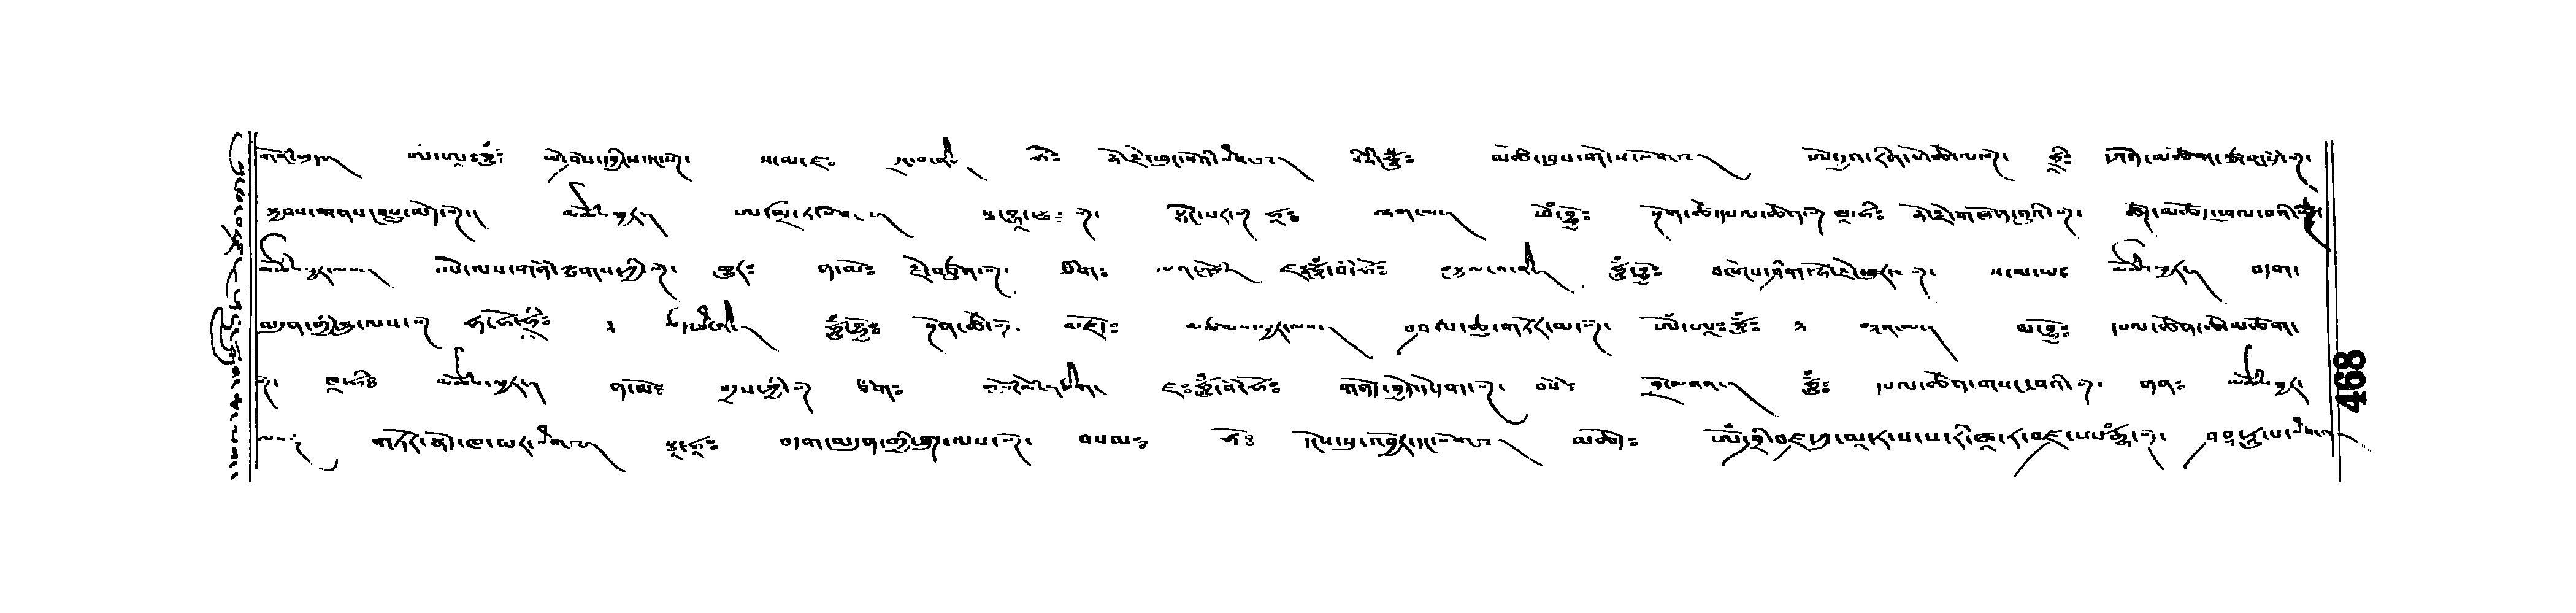གནམ་ཕུད། ཨོཾ་ཨཱཿཧཱུྃ༔ ཡེ་ཤེས་དབྱིངས་དང་སོགས། ས་མ་ཛཿ དྲང་བ་ནི། ཧོཿ རྡོ་རྗེ་ཕུང་པོའི་སོགས། སིདྡྷི་ཧཱུྃ༔ མཚོ་དབུས་གེ་སར་སོགས། ཨོ་རྒྱན་རིན་པོ་ཆེ་ལ་སོགས། ཧྲཱིཿ དཀོན་མཆོག་རྩ་གསུམ་སོགས། 
སྐྱབས་གནས་བསླུ་མེད་སོགས། མཚམས་སྦྱར། ཨ་མྲྀ་ཏ་སོགས། སྭ་བྷཱ་ཝ་སོགས། སྟོང་པར་སོགས། ཧཱཿ ལྷག་མ། ཕེཾ་བྷྱོ༔ སྔོན་ཚེ་དཔལ་ཆེན་སོགས།ཁཱ་ཧིཿ རྡོ་རྗེ་གཞོན་ནུའི་སོགས། ཚོགས་མཆོད་ཕུལ་བའི་སོགས། 
མཚམས་སྦྱར་ལ། ཨེ་ལས་གནམ་ལྕགས་ཀྱི་སོགས། གྱུར༔ ན་མོ༔ རྗེ་བཙུན་སོགས། ཅིག༔ ལན་གསུམ། ཛཿཧཱུྃ་བཾ་ཧོཿ བསྐུལ་བ་ནི། ཧཱུྃ་བྷྱོ༔ བཞེངས་ཤིག་རྡོ་རྗེ་ཕུར་སོགས། ས་མ་ཡ༔ མཚམས་སྦྱར། བདག་
མདུན་གྱི་སྐུ་ལས་སོགས། ཧ་ཧོ་ཧྲཱིཿ ཆད་ཐོ་ནི། ཧཱུྃ་བྷྱོ༔ སྔོན་ཚེ་སོགས། མཛོད༔ མཚམས་སྦྱར་ལས། བཤལ་ཆུའི་གཏོར་མ་སོགས། ཨོཾ་ཨཱཿཧཱུྃ༔ གསུམ། བསྟན་མ། མ་བྷྱོ༔ དཔལ་ཆེན་ཆེ་མཆོག་
སོགས། ཁཱ་ཧིཿ མཚམས་སྦྱར། ན་མོ༔ སངས་རྒྱས་ཀྱི་སོགས། ཅིག༔ གསུམ་མམ་གཅིག ཛཿཧཱུྃ་བཾ་ཧོཿ གནོད་བྱེད་དེ་དག་སོགས། བསམ༔ བྲོ་མནན། ཧཱུྃ༔ དཔལ་ཆེན་གསང་བའི་སོགས། ནན༔ མཚམས་སྦྱར་
ལས། གཏོར་སྣོད་ཁ་ཡར་སོགས། སྭཱ་ཧཱ༔ བདག་མདུན་གྱི་ཐུགས་ལས་སོགས། བསམ༔ ཧོཿ དངོས་སུ་འབྱོར་དང་སོགས། མཆོད༔ ཨོཾ་ཤྲི་བཛྲ་ཀུ་མཱ་ར་ས་པ་རི་ཝཱ་ར་བཛྲ་ཨརྒྷཾ་སོགས། ཤབྡ་རཱུ་པ་སོགས།